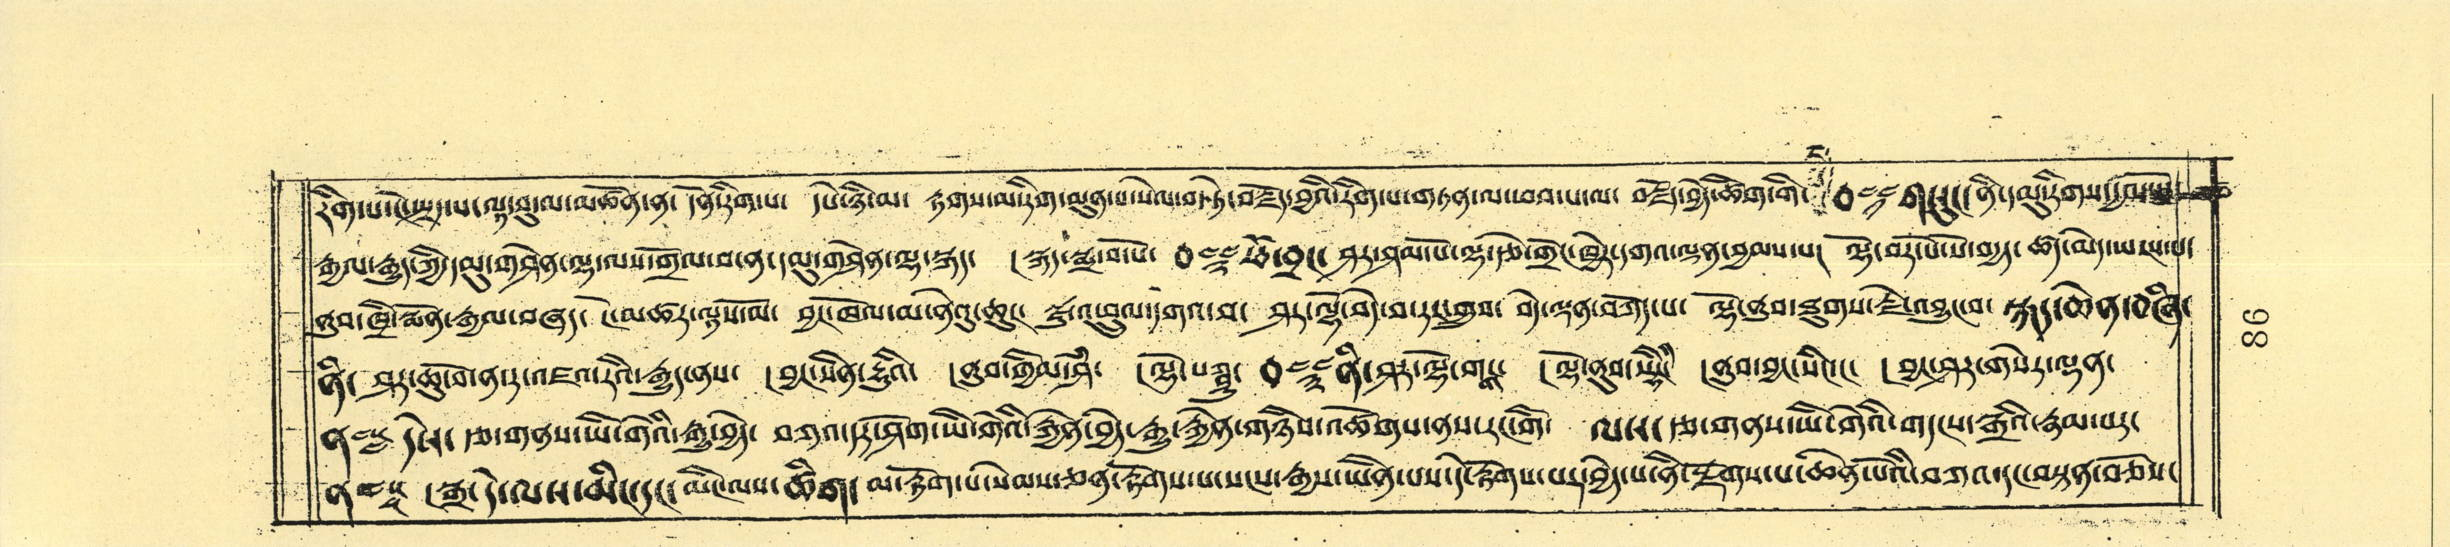རིག་པ་ངོ་སྤྲད་པ་ལྟ་བུ་ལ་མཚོན་ན་དོིན་རིག་པ་དཔེ་ཉི་མ་རྟགས་མ་རིག་མུན་པ་སེལ་བ་སྟེ་བརྗོད་བྱའི་རིག་པ་གཏན་ལ་ཕབ་པ་ལ་ རྗོད་བྱེད་ཚིག་གི་ངག་ བ༤༤།༡གསུང་ནི་དམུ་རིགས་རྒྱལ་པོ་
རྒྱལ་རྒྱུད་ཀྱི་དམུ་གཤེན་ལྷ་ལས་གྲོལ་བ་ན་དམུ་གཤེན་ལྷ་སྐད། སྐད་སྨྲ་བ་པོ་ བ༤༤།ཕོ་བྲང་ཤར་ཤམ་པོ་ལྷ་རྩེ་གྲོང་ཁྱེར་དཀའ་ལྡན་བྱམས་པ་ ལྷོ་བར་པོ་སོ་བརྒྱད་ ཚད་མེད་ཡངས་པ་
ནུབ་ཁྲི་སྨོན་རྒྱལ་བཞད་ ངོ་མཚར་ལྟད་མོ། བྱང་ཁོལ་མ་ནེའུ་ཆུང་། རྫུ་འཕྲུལ་དགའ་བ། ཤར་ལྷོ་བདེ་བ་རང་གྲུབ། བདེ་ལྡན་བཀོད་པ། ལྷོ་ནུབ་ཐུགས་རྗེ་འབྱུང་བ་ སྐད་ཆེན་བཞི་
ནི་ཤར་ཆུ་བོ་ན་ར་ཛ་རའི་རྒྱུད་ནས། བྱང་སིན་དྷུའི། ནུབ་གྱིམ་ཤོད། ལྷོ་པཀྴུ་ བ༤༤།༣ ནི་ཤར་ལྷོ་གངྒཱ། ལྷོ་ནུབ་སེང་གེ། ནུབ་བྱང་སིང་ང། བྱང་ཤར་གསེར་ལྡན་
ན༤༥།༤ དེས་རྩ་གནས་ཡི་གེའི་རྒྱུ་བྱེད། བཀའ་དར་ཤོག་ཡི་གེའི་རྐྱེན་བྱེད་རྒྱུ་རྐྱེན་གཉིས་འཚོགས་ནས་རང་གི་ ལུས་རྩ་གནས་ཡི་གེའི་གདངས་སྒྲའི་རྣམ་པར་
ན༤༥།༥སྒྲ་དེ་ལས་མིང་དང་མིང་ལས་ཚིག་མ་རྟོགས་པ་སེམས་ཅན་རྟོགས་པ་སངས་རྒྱས་ཡིན་པས་དེ་རྟོགས་པར་བྱེད་པ་ནི་རྫོགས་པ་ཆེན་པོའི་བཀའ་དང་བསྟན་བཅོས་